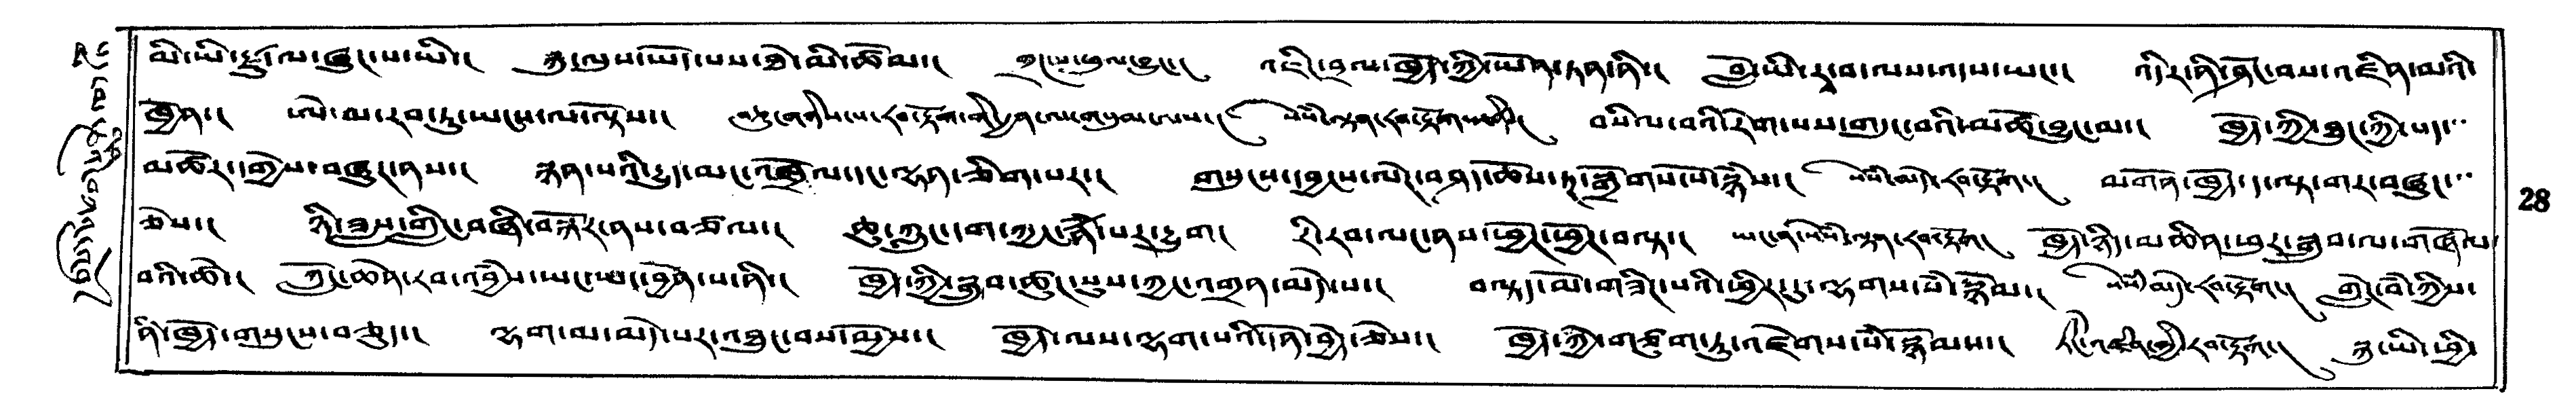།མི་ཡི་རྫུ་ལ་ཞུགས་པ་ཡི། །སྐུ་ལུས་ཡོད་པས་ཐེ་མི་ཚོམ། ། གྲགས་པ་ཕུལ་བྱུང་། འཇིགས་བྲལ་ཁྱོད་ཀྱི་ཡོན་ཏན་ནི། །བློ་ཡི་རྭ་བ་ལས་འདས་ཀྱང་། །འདིར་ནི་ཤོང་བས་འཛིན་མའི་
ཁྱོན། །ཨེ་མ་རབ་ཏུ་ཡངས་ལ་ལྟོས། ། བཅུ་གཉིས་པ་རབ་རྟོག་གི་རྒྱན་ལ་གསུམ་ལས། སེམས་ལྡན་རབ་རྟོག་ནི། བསིལ་བའི་རེག་པས་གདུངས་བའི་མཚོ་བྱུང་མ། །ཁྱོད་ཀྱི་ཐུགས་ཀྱི་པད་
མཚོར་དགྱེས་བཞུགས་ནས། །སྙན་པའི་རྒྱུད་མང་འཁྲོལ་དང་ལྷན་ཅིག་པར། །གསུང་དབྱངས་ལེགས་བཤད་ཆོས་རྔ་སྒྲོགས་སོ་སྙམ། སེམས་མེད་རབ་རྟོག མགོན་ཁྱོད་ད་ལྟ་གར་བཞུགས་
ཞེས། །ཉི་ཟླས་གླིང་བཞི་བསྐོར་ནས་བཙལ། །ཆུ་ཀླུང་དག་ཀྱང་རྣམ་པར་རྒྱུག །རི་རབ་ལང་ནས་ཕྱོགས་ཕྱོགས་བལྟ། ། ཡང་ན་སེམས་ལྡན་རབ་རྟོག ཁྱོད་ཉིད་མཆིམས་ཕུར་སྒྲུབ་ལ་གཞོལ་
བའི་ཚེ། །ཀློང་ཆེན་རབ་འབྱམས་ཡང་ཡང་བྱོན་པ་ནི། །ཁྱོད་ཀྱི་སྒྲུབ་ཚུགས་སུས་ཀྱང་འགྲན་མེད་པ། །ལྟད་མོ་གཟིགས་པའི་ཕྱིར་དུ་ལྷགས་སམ་སྙམ། ། སེམས་མེད་རབ་རྟོག གླེགས་བམ་ཀྱིས་
ནི་ཁྱོད་གསུང་བཅུད། །ལྷག་མ་མེད་པར་འཐུང་བས་མྱོས། །ཁྱོད་ལས་ལྷག་པའི་དོན་བྱེད་ཅེས། །ཁྱོད་ཀྱི་གཙུག་ཏུ་འཇོག་གམ་སྙམ། ། ཏིང་ངེ་འཛིན་གྱི་རབ་རྟོག སྐུ་ཡི་ཕྱི་